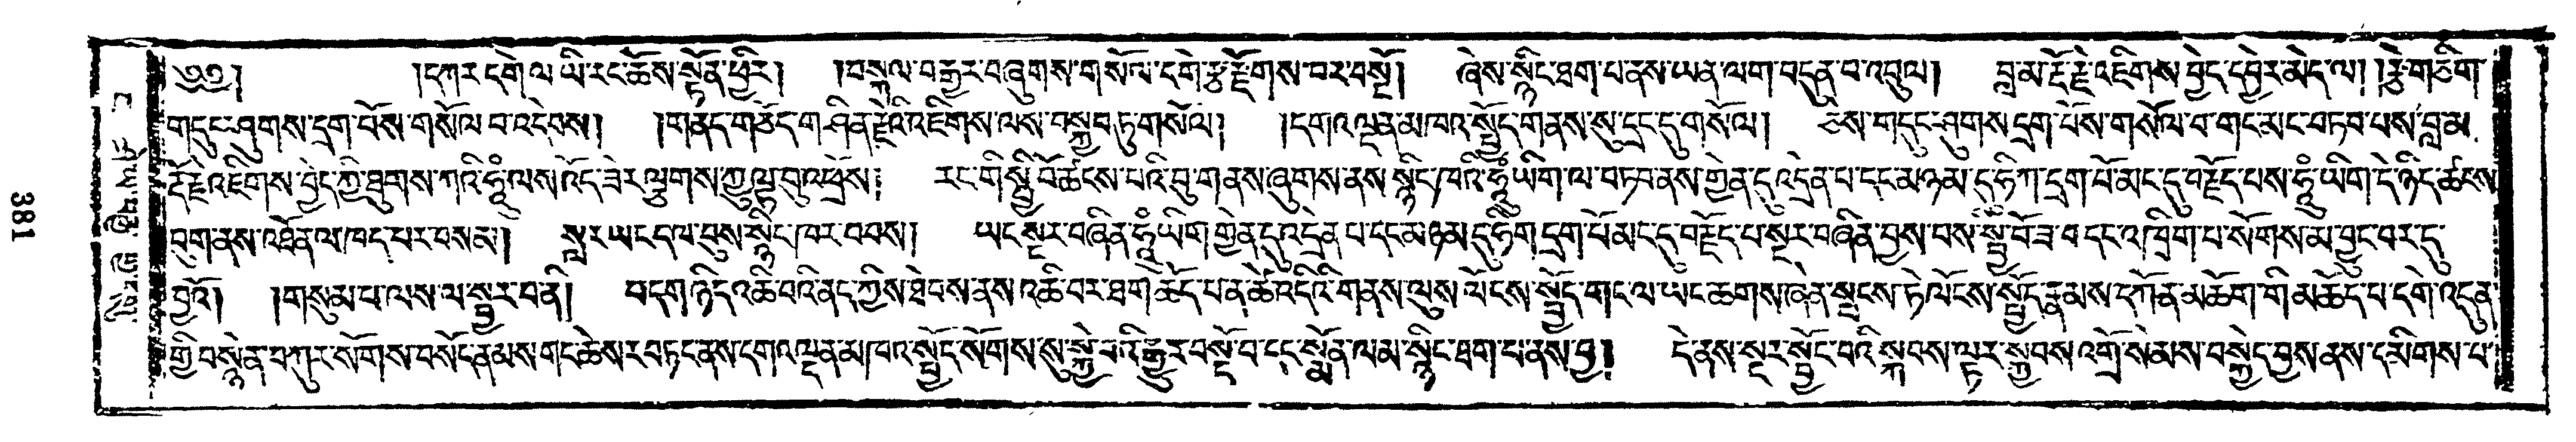༄༅། །དཀར་དགེ་ལ་ཡི་རང་ཆོས་སྟོན་ཕྱིར། །བསྐལ་བརྒྱར་བཞུགས་གསོལ་དགེ་རྩ་རྫོགས་བར་བསྔོ། ཞེས་སྙིང་ཐག་པ་ནས་ཡན་ལག་བདུན་བ་འབུལ། བླ་མ་རྡོ་རྗེ་འཇིགས་བྱེད་དབྱེར་མེད་ལ། །རྩེ་གཅིག་
གདུང་ཤུགས་དྲག་པོས་གསོལ་བ་འདེབས། །གནད་གཅོད་གཤིན་རྗེའི་འཇིགས་ལས་བསྐྱབ་ཏུ་གསོལ། །དགའ་ལྡན་མཁའ་སྤྱོད་གནས་སུ་དྲང་དུ་གསོལ། ཅེས་གདུང་ཤུགས་དྲག་པོས་གསོལ་བ་གང་མང་བཏབ་པས་བླ་མ་
རྡོ་རྗེ་འཇིགས་བྱེད་ཀྱི་ཐུགས་ཀའི་ཧཱུཾ་ལས་འོད་ཟེར་ལྕགས་ཀྱུ་ལྟ་བུ་འཕྲོས། རང་གི་སྤྱི་བོ་ཚངས་པའི་བུ་གནས་ཞུགས་ནས་སྙིང་ཁའི་ཧཱུཾ་ཡིག་ལ་བཏབ་ནས་གྱེན་དུ་འདྲེན་པ་དང་མཉམ་དུ་ཧིཀ་དྲག་པོ་མང་དུ་བརྗོད་པས་ཧཱུཾ་ཡིག་དེ་ཉིད་ཚངས་
བུག་ནས་འཐོན་ལ་ཁད་པར་བསམ། སླར་ཡང་དལ་བུས་སྙིང་ཁར་བབས། ཡང་སྔར་བཞིན་ཧཱུཾ་ཡིག་གྱེན་དུ་འདྲེན་པ་དང་མཉམ་དུ་ཧིག་དྲག་པོ་མང་དུ་བརྗོད་པ་སྔར་བཞིན་བྱས་པས་སྤྱི་བོ་ཟ་བ་དང་འཁྲིག་པ་སོགས་མ་བྱུང་བར་དུ་
བྱའོ། །གསུམ་པ་ལས་ལ་སྦྱར་བ་ནི། བདག་ཉིད་འཆི་བའི་ནད་ཀྱིས་ཐེབས་ནས་འཆི་བར་ཐག་ཆོད་པ་ན་ཚེ་འདིའི་གནས་ལུས་ལོངས་སྤྱོད་གང་ལ་ཡང་ཆགས་ཞེན་སྤངས་ཏེ་ལོངས་སྤྱོད་རྣམས་དཀོན་མཆོག་གི་མཆོད་པ་དགེ་འདུན་
གྱི་བསྙེན་བཀུར་སོགས་བསོད་ནམས་གང་ཆེ་སར་བཏང་ནས་དགའ་ལྡན་མཁའ་སྤྱོད་སོགས་སུ་སྐྱེ་བའི་རྒྱུར་བསྔོ་བ་དང་སྨོན་ལམ་སྙིང་ཐག་པ་ནས་བྱ། དེ་ནས་སྔར་སྦྱོང་བའི་སྐབས་ལྟར་སྐྱབས་འགྲོ་སེམས་བསྐྱེད་བྱས་ནས་དམིགས་པ་